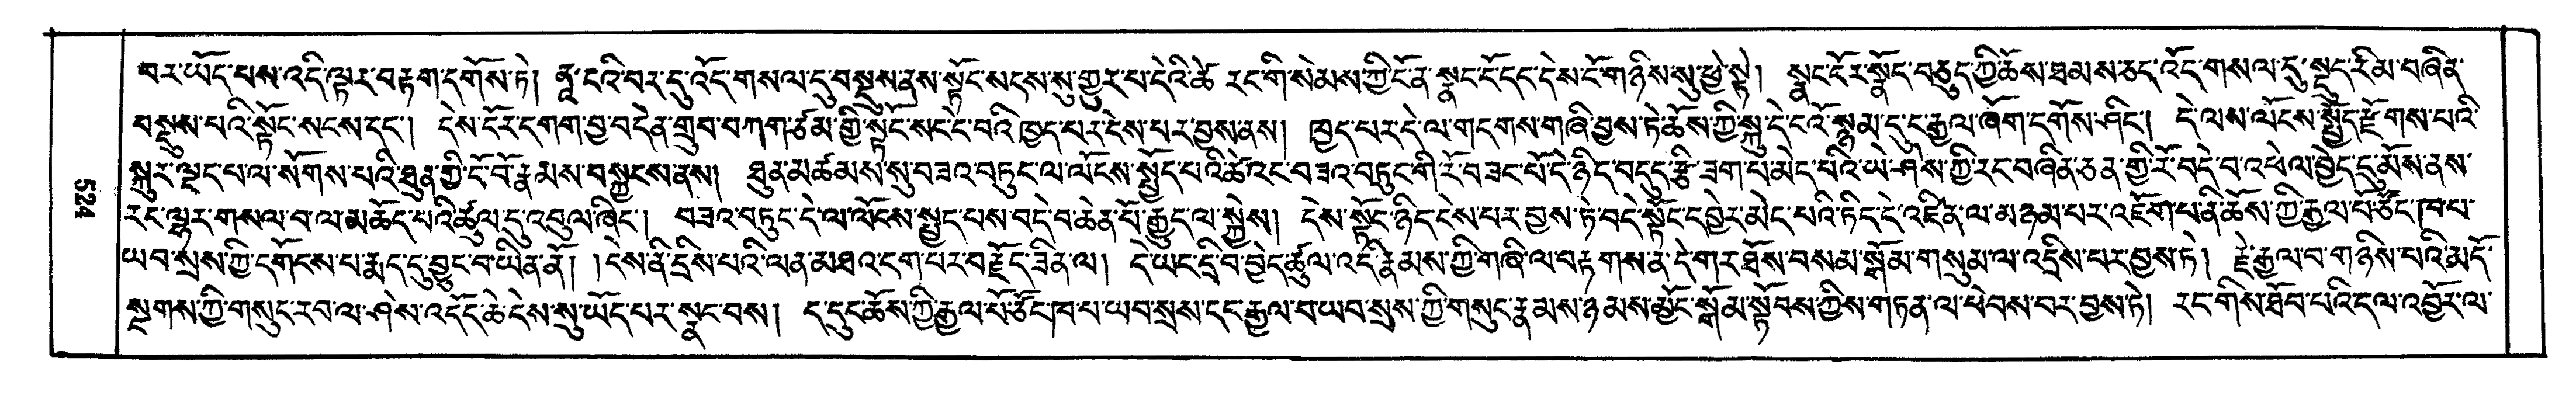བར་ཡོད་པས་འདི་ལྟར་བརྟག་དགོས་ཏེ། ནཱ་དའི་བར་དུ་འོད་གསལ་དུ་བསྡུས་ནས་སྟོང་སངས་སུ་གྱུར་པ་དེའི་ཚེ། རང་གི་སེམས་ཀྱི་ངོ་ན་སྣང་ངོ་དང་དེས་ངོ་གཉིས་སུ་ཕྱེ་སྟེ། སྣང་ངོར་སྣོད་བཅུད་ཀྱི་ཆོས་ཐམས་ཅད་འོད་གསལ་དུ་སྡུད་རིམ་བཞིན་
བསྡུས་པའི་སྟོང་སངས་དང་། དེས་ངོར་དགག་བྱ་བདེན་གྲུབ་བཀག་ཙམ་གྱི་སྟོང་སང་ངེ་བའི་ཁྱད་པར་ངེས་པར་བྱས་ནས། ཁྱད་པར་དེ་ལ་གདགས་གཞི་བྱས་ཏེ་ཆོས་ཀྱི་སྐུ་དེ་ངའོ་སྙམ་དུ་ང་རྒྱལ་ཞོག་དགོས་ཤིང་། དེ་ལས་ལོངས་སྤྱོད་རྫོགས་པའི་
སྐུར་ལྔང་བ་ལ་སོགས་པའི་ཐུན་གྱི་ངོ་བོ་རྣམས་བསྐྱངས་ནས། ཐུན་མཚམས་སུ་བཟའ་བཏུང་ལ་ལོངས་སྤྱོད་པའི་ཚེ་འང་བཟའ་བཏུང་གི་རོ་བཟང་པོ་དེ་ཉིད་བདུད་རྩི་ཟད་པ་མེད་པའི་ཡེ་ཤེས་ཀྱི་རང་བཞིན་ཅན་གྱི་རོ་བདེ་བ་འཕེལ་བྱེད་དུ་མོས་ནས་
རང་ལྷར་གསལ་བ་ལ་མཆོད་པའི་ཚུལ་དུ་འབུལ་ཞིང་། བཟའ་བཏུང་དེ་ལ་ལོངས་སྤྱད་པས་བདེ་བ་ཆེན་པོ་རྒྱུད་ལ་སྐྱེས། དེས་སྟོང་ཉིད་ངེས་པར་བྱས་ཏེ་བདེ་སྟོང་དབྱེར་མེད་པའི་ཏིང་ངེ་འཛིན་ལ་མཉམ་པར་འཇོག་པ་ནི་ཆོས་ཀྱི་རྒྱལ་པོ་ཙོང་ཁ་པ་
ཡབ་སྲས་ཀྱི་དགོངས་པ་རྨད་དུ་བྱུང་པ་ཡིན་ནོ། །དེས་ནི་དྲིས་པའི་ལན་མཐའ་དག་པར་བརྗོད་ཟིན་ལ། དེ་ཡང་དྲི་བ་བྱེད་ཚུལ་འདི་རྣམས་ཀྱི་གཞི་ལ་བརྟགས་ན་དེ་གར་ཐོས་བསམ་སྒོམ་གསུམ་ལ་འདྲིས་པར་བྱས་ཏེ། རྗེ་རྒྱལ་བ་གཉིས་པའི་མདོ་
སྔགས་ཀྱི་གསུང་རབ་ལ་ཤེས་འདོད་ཆེ་ངེས་སུ་ཡོད་པར་སྣང་བས། ད་དུང་ཆོས་ཀྱི་རྒྱལ་པོ་ཙོང་ཁ་པ་ཡབ་སྲས་དང་རྒྱལ་བ་ཡབ་སྲས་ཀྱི་གསུང་རྣམས་ཉམས་མྱོང་སྒོམ་སྟོབས་ཀྱིས་གཏན་ལ་ཕེབས་པར་བྱས་ཏེ། རང་གི་ཐོབ་པའི་དལ་འབྱོར་ལ་